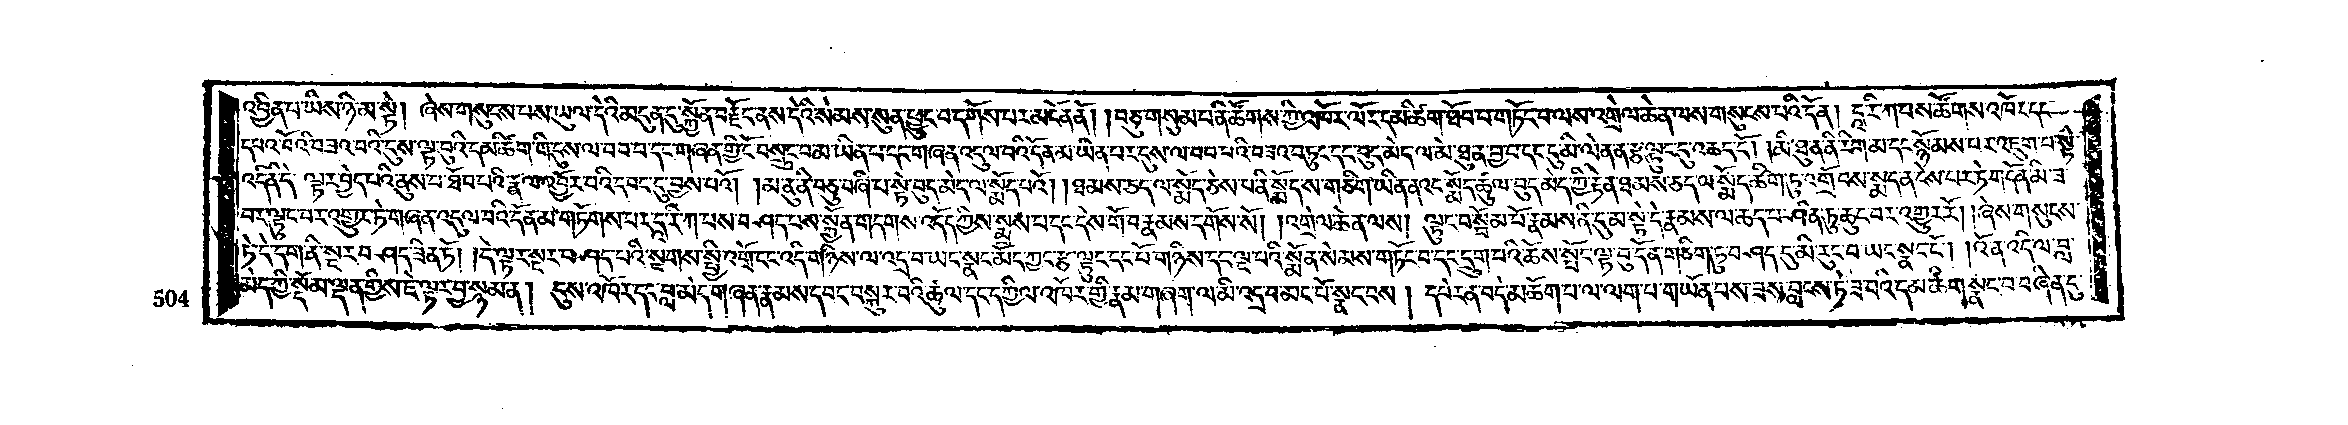འབྱིན་པ་ཡིས་ཉི་མ་སྟེ། ཞེས་གསུངས་པས་ཡུལ་དེའི་མདུན་དུ་སྐྱོན་བརྗོད་ནས་དེའི་སེམས་སུན་ཕྱུང་བ་དགོས་པར་མངོན་ནོ། །བཅུ་གསུམ་པ་ནི་ཚོགས་ཀྱི་འཁོར་ལོར་དམ་ཚིག་ཐོབ་པ་གཏོང་བ་ལས་འགྲེལ་ཆེན་ལས་གསུངས་པའི་དོན། དཱ་རི་ཀ་པས་ཚོགས་འཁོར་དང་
དཔའ་བོའི་བཟའ་བའི་དུས་ལྟ་བུའི་དམ་ཚིག་གི་དུས་ལ་བབ་པ་དང་གཞན་གྱི་ངོ་བསྲུང་བ་མ་ཡིན་པ་དང་གཞན་འདུལ་བའི་དོན་མ་ཡིན་པར་དུས་ལ་བབ་པའི་བཟའ་བཏུང་དང་བུད་མེད་ལ་མེ་ཐུན་བྱ་བ་དང་དུ་མི་ལེན་ན་རྩ་ལྟུང་དུ་འཆད་དོ། །མི་ཐུན་ནི་རིག་མ་དང་སྙོམས་པར་འཇུག་པ་སྟེ་
འདི་ནི་དེ་ལྟར་བྱེད་པའི་ནུས་པ་ཐོབ་པའི་རྣལ་འབྱོར་བའི་དབང་དུ་བྱས་པའོ། །མ་ནུ་ནི་བཅུ་བཞི་པ་སྟེ་བུད་མེད་ལ་སྨོད་པའོ། །ཐམས་ཅད་ལ་སྨོད་ཅེས་པ་ནི་སྨོད་ས་གཅིག་ཡིན་ནའང་སྨོད་ཚུལ་བུད་མེད་ཀྱི་རྟེན་ཐམས་ཅད་ལ་སྨོད་ཚིག་ཏུ་འགྲོ་བས་སྨད་ན་ངེས་པར་ཏེ་གདོན་མི་ཟ་
བར་ལྟུང་བར་འགྱུར་ཏེ་གཞན་འདུལ་བའི་དོན་མ་གཏོགས་པར་དཱ་རི་ཀ་པས་བཤད་པས་སྐྱོན་གདགས་འདོད་ཀྱིས་སྨྲས་པ་དང་དེས་གོ་བ་རྣམས་དགོས་སོ། །འགྲེལ་ཆེན་ལས། ལྟུང་བ་སྦོམ་པོ་རྣམས་ནི་དུ་མ་སྟེ་དེ་རྣམས་ལ་ཆད་པ་ཤིན་ཏུ་ཆུང་བར་འགྱུར་རོ། །ཞེས་གསུངས་
ཏེ་དེ་དག་ནི་སྔར་བཤད་ཟིན་ཏོ། །དེ་ལྟར་སྔར་བཤད་པའི་སྔགས་སྤྱི་འགྲོ་དང་འདི་གཉིས་ལ་འདྲ་བ་ཡང་སྣང་མོད་ཀྱང་རྩ་ལྟུང་དང་པོ་གཉིས་དང་ལྔ་པའི་སྨོན་སེམས་གཏོང་བ་དང་དྲུག་པའི་ཆོས་སྤོང་ལྟ་བུ་དོན་གཅིག་ཏུ་བཤད་དུ་མི་རུང་བ་ཡང་སྣང་ངོ། །འོ་ན་འདི་ལ་བླ་
མེད་ཀྱི་སྡོམ་ལྡན་གྱིས་ཇེ་ལྟར་བྱ་སྙམ་ན། དུས་འཁོར་དང་བླ་མེད་གཞན་རྣམས་དབང་བསྐུར་བའི་ཚུལ་དང་དཀྱིལ་འཁོར་གྱི་རྣམ་གཞག་ལ་མི་འདྲ་བ་མང་པོ་སྣང་བས། དཔེར་ན་བདེ་མཆོག་པ་ལ་ལག་པ་གཡོན་པས་ཟས་བླངས་ཏེ་ཟ་བའི་དམ་ཚིག་སྣང་བ་བཞིན་དུ་